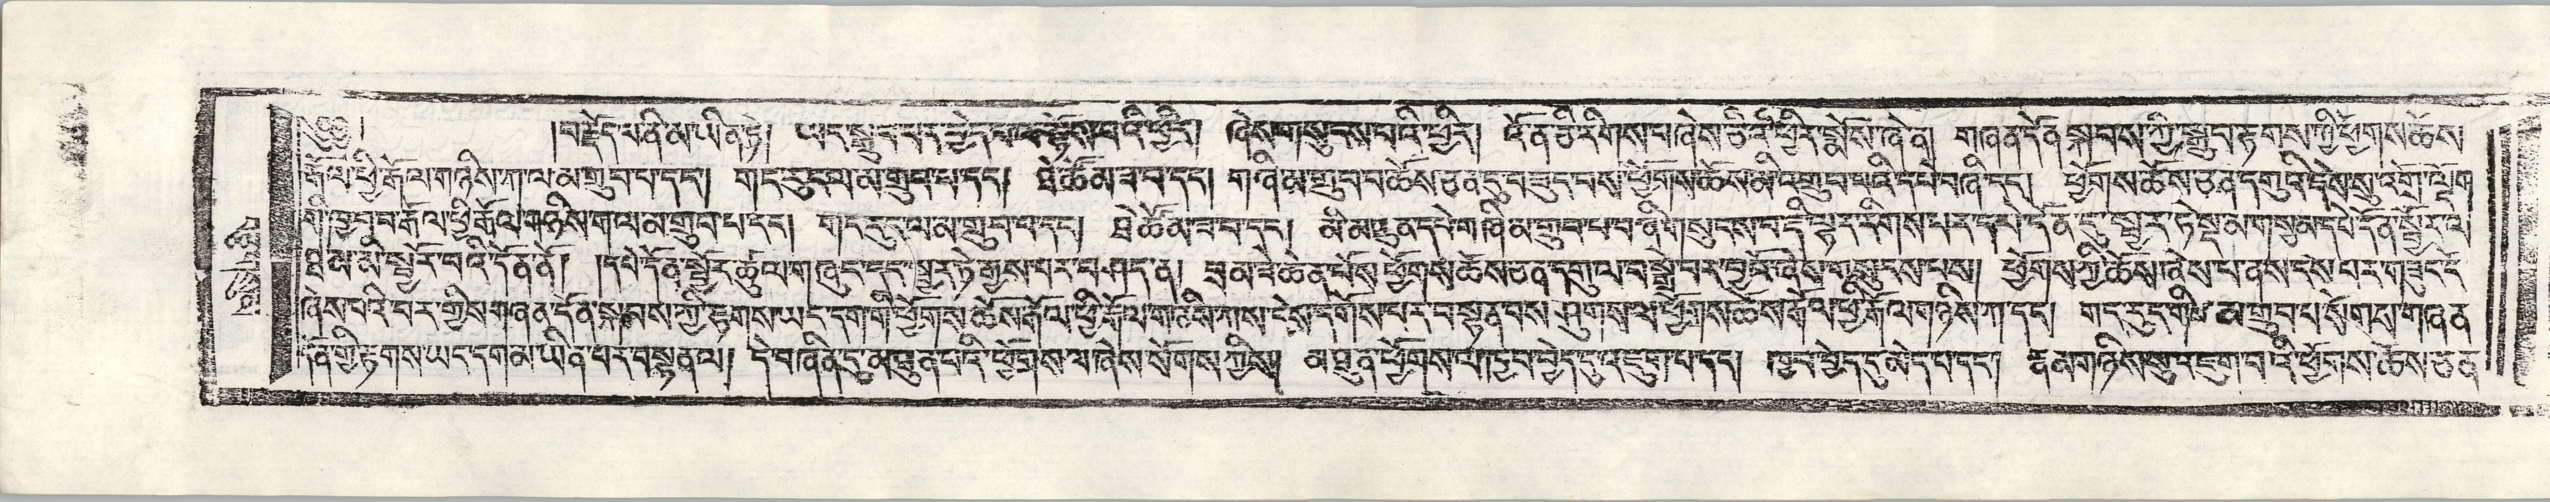༄༅། །བརྗོད་པ་ནི་མ་ཡིན་ཏེ། ཡང་སྒྲུབ་པར་བྱེད་པ་ལ་ལྟོས་པའི་ཕྱིར། ཞེས་གསུངས་པའི་ཕྱིར། འོ་ན་ཅི་རིགས་པ་ཞེས་ཅིའི་ཕྱིར་སྨོས་ཞེ་ན། གཞན་དོན་སྐབས་ཀྱི་སྒྲུབ་རྟགས་ཀྱི་ཕྱོགས་ཆོས་
རྒོལ་ཕྱི་རྒོལ་གཉིས་ཀ་ལ་མ་གྲུབ་པ་དང་། གང་རུང་ལ་མ་གྲུབ་པ་དང་། ཐེ་ཚོམ་ཟ་བ་དང་། གཞི་མ་གྲུབ་པ་ཆོས་ཅན་དུ་བཟུང་བས་ཕྱོགས་ཆོས་མི་འགྲུབ་པའི་དཔེ་བཞི་དང་། ཕྱོགས་ཆོས་ཅན་དགུའི་རྗེས་སུ་འགྲོ་ལྡོག་
གི་ཁྱབ་པ་རྒོལ་ཕྱི་རྒོལ་གཉི་ག་ལ་མ་གྲུབ་པ་དང་། གང་རུང་ལ་མ་གྲུབ་པ་དང་། ཐེ་ཚོམ་ཟ་བ་དང་། མི་མཐུན་དཔེ་གཞི་མ་གྲུབ་པ་བཞི་གསུངས་པ་ཇི་ལྟར་རིགས་པར་དཔེ་དོན་དུ་སྦྱར་ཏེ་སྔ་མ་གསུམ་དཔེ་དོན་སྦྱོར་ལ་
ཐ་མ་མི་སྦྱོར་བའི་དོན་ནོ། །དཔེ་དོན་སྦྱོར་ཚུལ་གཞུང་དང་སྦྱར་ཏེ་རྒྱས་པར་བཤད་ན། བྲམ་ཟེ་ཆེན་པོས་ཕྱོགས་ཆོས་ཅན་དགུ་ལ་བསྒྲེ་བར་བྱའོ་ཞེས་གསུངས་པས། ཕྱོགས་ཀྱི་ཆོས་ཞེས་པ་ནས་ངེས་པར་གཟུང་ངོ་
ཞེས་པའི་པར་གྱིས་གཞན་དོན་སྐབས་ཀྱི་རྟགས་ཡང་དག་གི་ཕྱོགས་ཆོས་རྒོལ་ཕྱི་རྒོལ་གཉིས་ཀས་ངེས་དགོས་པར་བསྟན་པས་ཤུགས་ལ་ཕྱོགས་ཆོས་རྒོལ་ཕྱི་རྒོལ་གཉིས་ཀ་དང་། གང་རུང་གི་མ་གྲུབ་པ་སོགས་གཞན་
དོན་གྱི་རྟགས་ཡང་དག་མ་ཡིན་པར་བསྟན་ལ། དེ་བཞིན་དུ་མཐུན་པའི་ཕྱོགས་ལ་ཞེས་སོགས་ཀྱིས། མཐུན་ཕྱོགས་ལ་ཁྱབ་བྱེད་དུ་འཇུག་པ་དང་། ཁྱབ་བྱེད་དུ་མེད་པ་དང་། རྣམ་གཉིས་སུ་འཇུག་པའི་ཕྱོགས་ཆོས་ཅན་